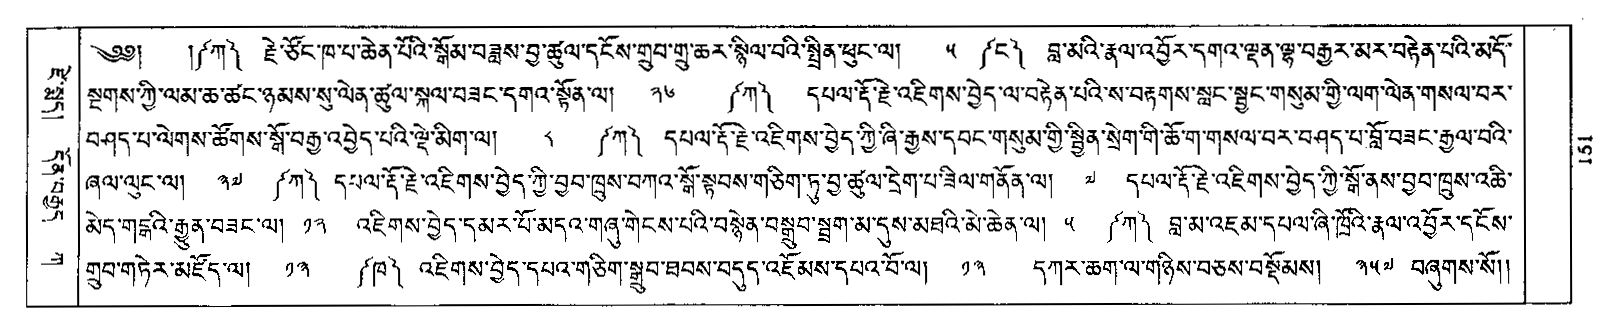༄༅། །༼ཀ྄་རྗེ་ཙོང་ཁ་པ་ཆེན་པོའི་སྒོམ་བཟླས་བྱ་ཚུལ་དངོས་གྲུབ་གྲུ་ཆར་སྙིལ་བའི་སྤྲིན་ཕུང་ལ། ༥་༽ང྄་བླ་མའི་རྣལ་འབྱོར་དགའ་ལྡན་ལྷ་བརྒྱར་མར་བརྟེན་པའི་མདོ་
སྔགས་ཀྱི་ལམ་ཆ་ཚང་ཉམས་སུ་ལེན་ཚུལ་སྐལ་བཟང་དགའ་སྟོན་ལ། ༢༦་ཀ྄་དཔལ་རྡོ་རྗེ་འཇིགས་བྱེད་ལ་བརྟེན་པའི་ས་བརྟགས་སླང་སྦྱང་གསུམ་གྱི་ལག་ལེན་གསལ་བར་
བཤད་པ་ལེགས་ཚོགས་སྒོ་བརྒྱ་འབྱེད་པའི་ལྡེ་མིག་ལ། ༨་ཀ྄་དཔལ་རྡོ་རྗེ་འཇིགས་བྱེད་ཀྱི་ཞི་རྒྱས་དབང་གསུམ་གྱི་སྦྱིན་སྲེག་གི་ཆོ་ག་གསལ་བར་བཤད་པ་བློ་བཟང་རྒྱལ་བའི་
ཞལ་ལུང་ལ། ༣༧་ཀ྄་དཔལ་རྡོ་རྗེ་འཇིགས་བྱེད་ཀྱི་བྱབ་ཁྲུས་བཀའ་སྒོ་སྟབས་གཅིག་ཏུ་བྱ་ཚུལ་དྲེག་པ་ཟིལ་གནོན་ལ། ༧་དཔལ་རྡོ་རྗེ་འཇིགས་བྱེད་ཀྱི་སྒོ་ནས་བྱབ་ཁྲུས་འཆི་
མེད་གངྒའི་རྒྱུན་བཟང་ལ། ༡༢་འཇིགས་བྱེད་དམར་པོ་མདའ་གཞུ་གེངས་པའི་བསྙེན་བསྒྲུབ་སྦྲག་མ་དུས་མཐའི་མེ་ཆེན་ལ། ༥་ཀ྄་བླ་མ་འཇམ་དཔལ་ཞི་ཁྲོའི་རྣལ་འབྱོར་དངོས་
གྲུབ་གཏེར་མཛོད་ལ། ༡༣་ཁ྄་འཇིགས་བྱེད་དཔའ་གཅིག་སྒྲུབ་ཐབས་བདུད་འཇོམས་དཔའ་བོ་ལ། ༡༣་དཀར་ཆག་ལ་གཉིས་བཅས་བསྡོམས། ༣༥༧་བཞུགས་སོ།།